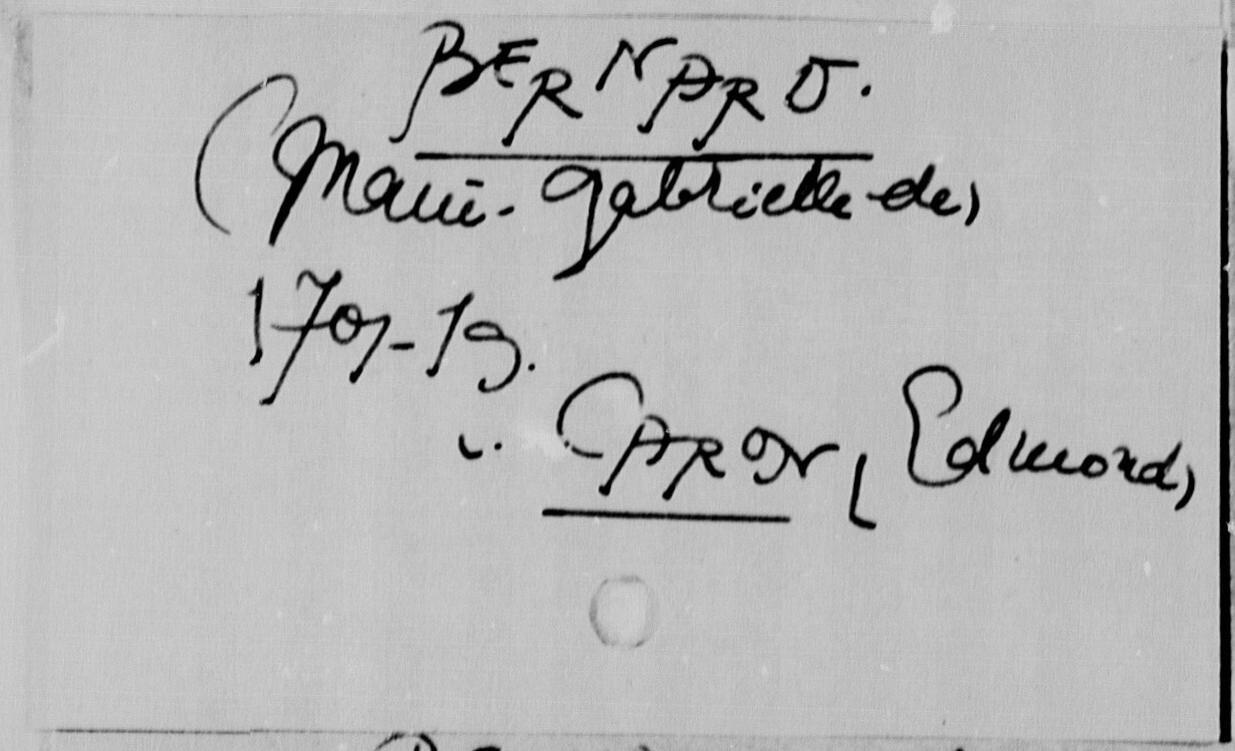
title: BERNARD (Marie-Gabrielle de)
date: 1701-1719
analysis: Voir CARON (Edmond)
